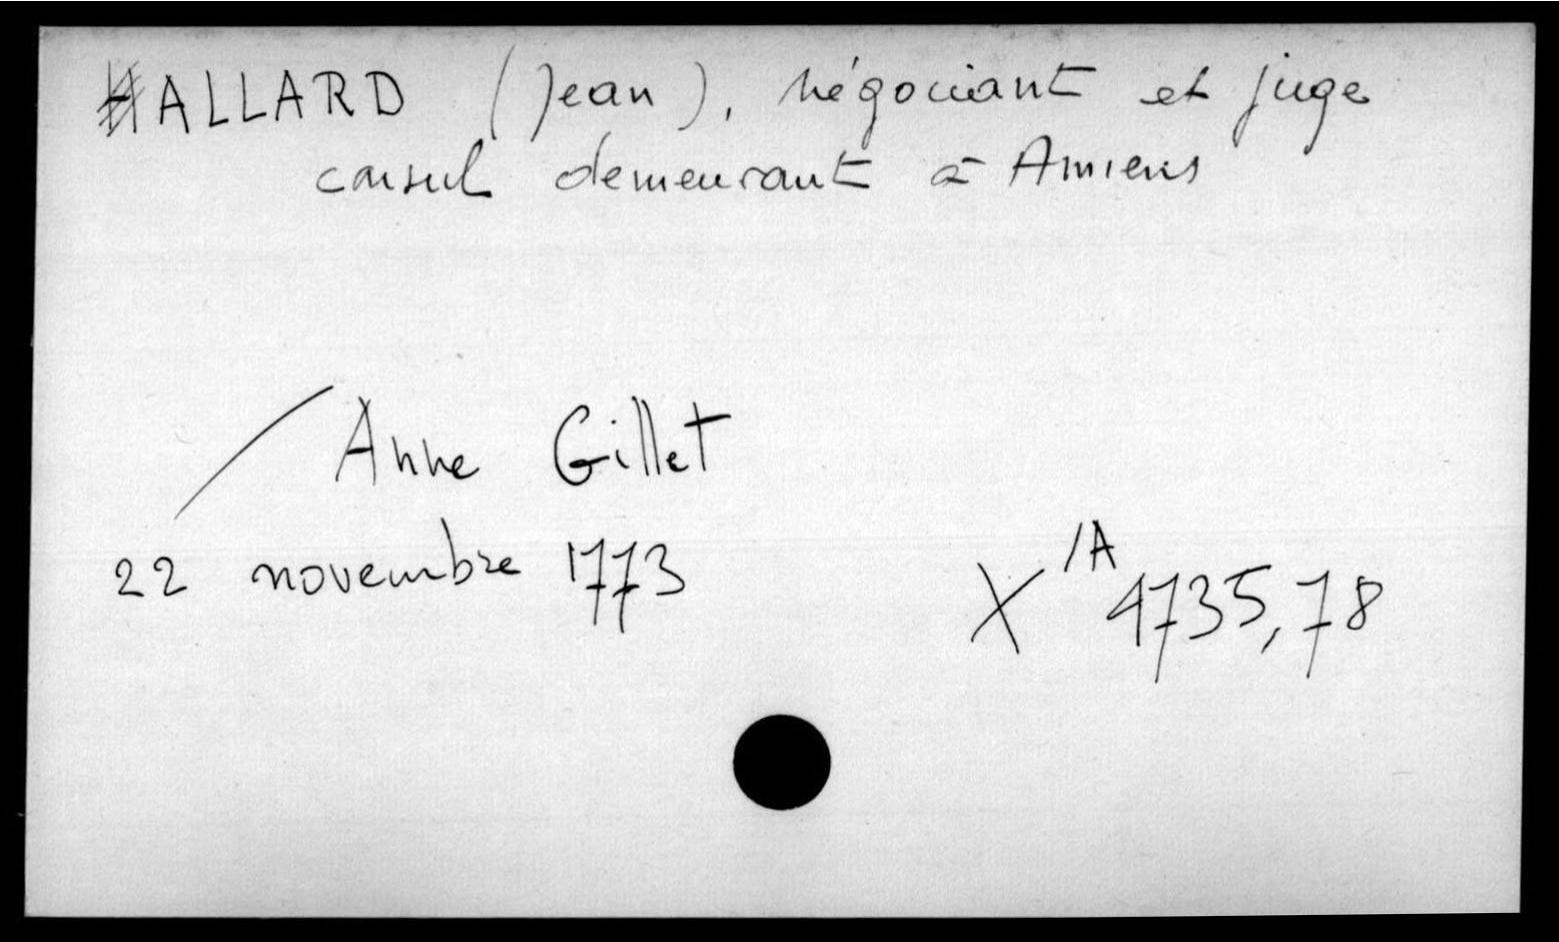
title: ALLARD (Jean), négociant et juge consul demeurant à Amiens
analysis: Contre Anne Gillet
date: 22 novembre 1773
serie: X1A
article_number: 4735
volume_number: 78
